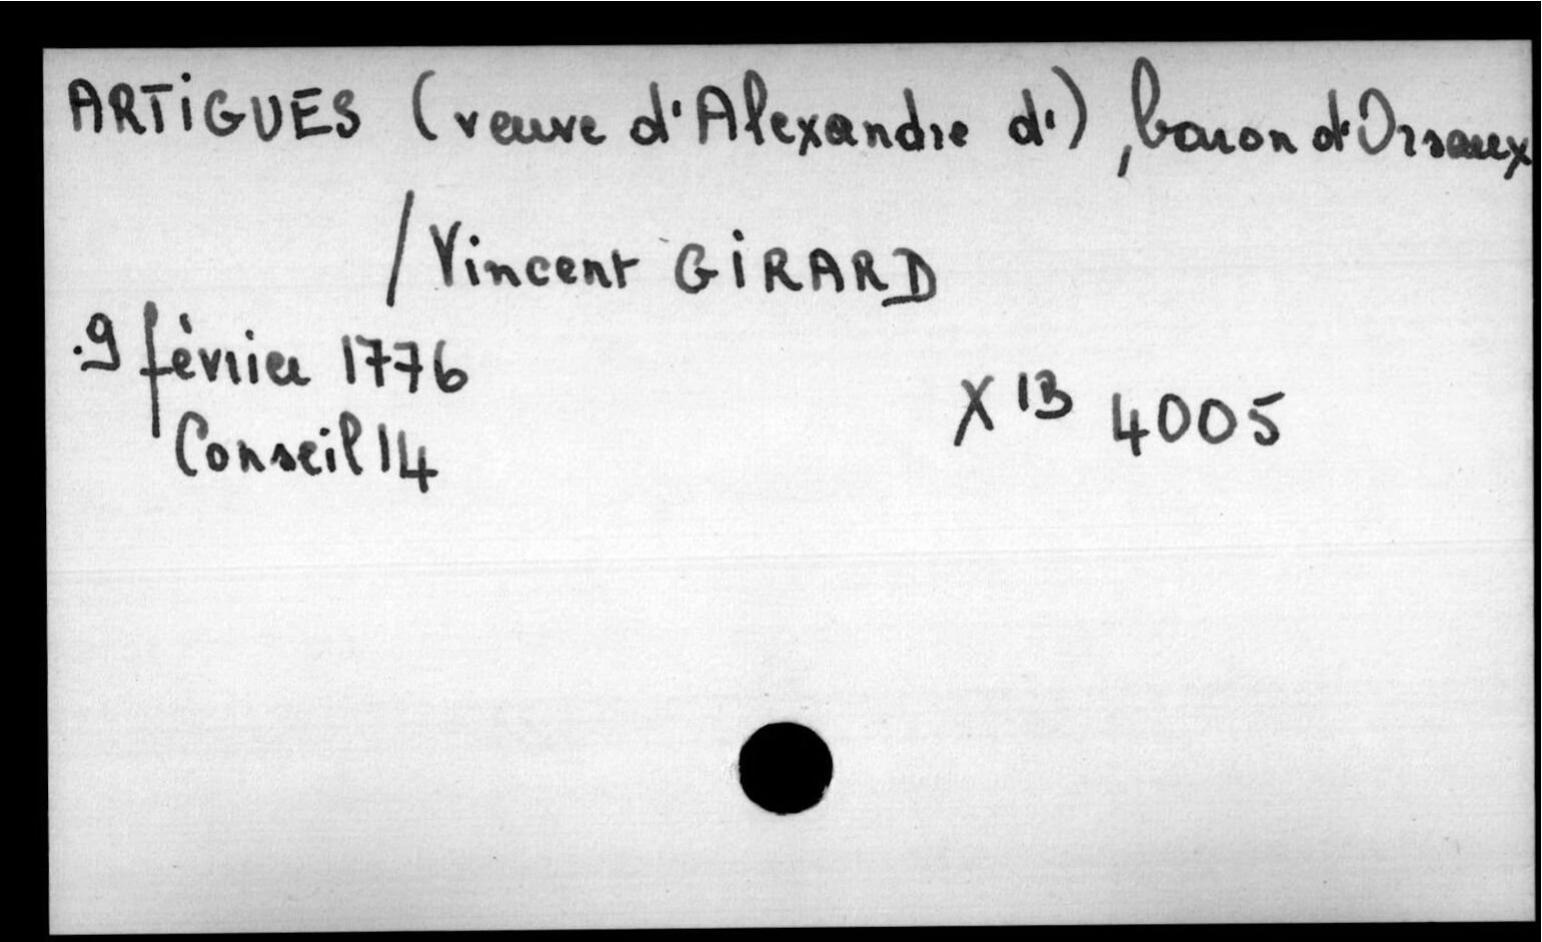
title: ARTIGUES (Veuve d'Alexandre d'), baron d'Orsaux
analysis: Contre Vincent GIRARD
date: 9 février 1776
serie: X13
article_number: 4005
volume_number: Conseil 14
